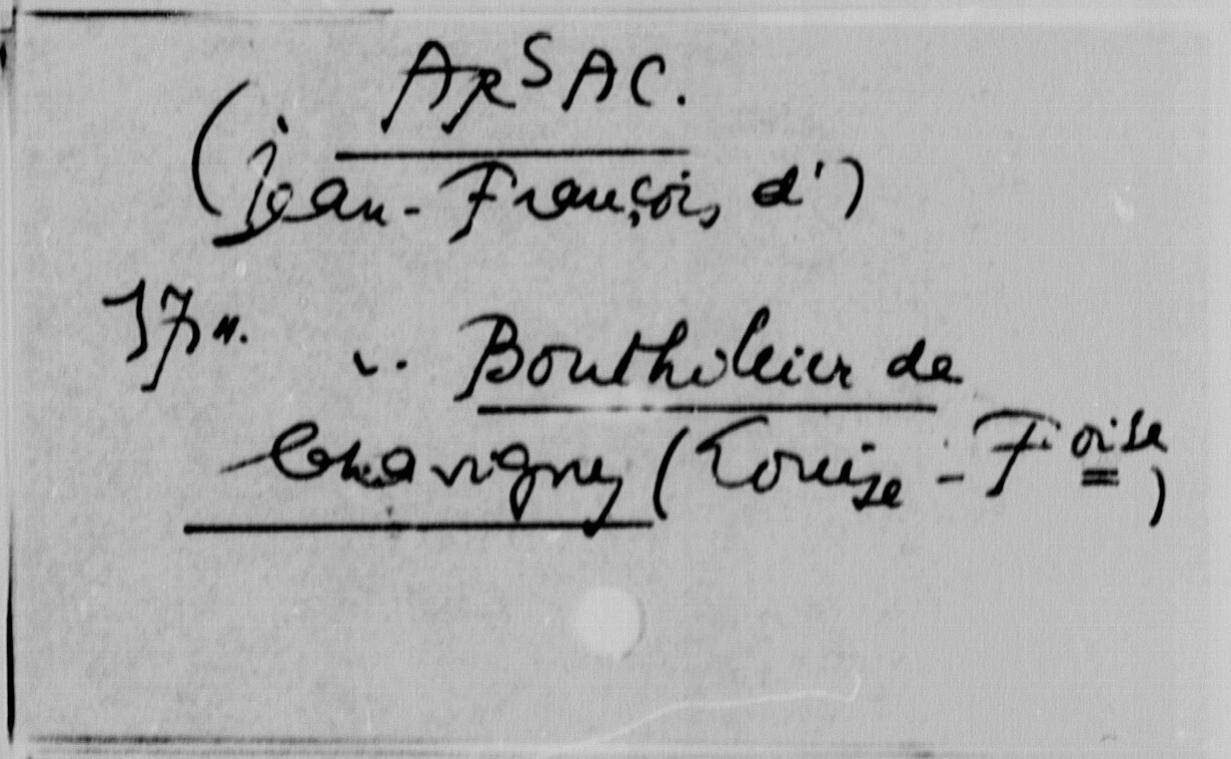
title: ARSAC (Jean-François d')
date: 1704
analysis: Voir BOUTHELLIER DE CHAVIGNY (Louise-Françoise)
